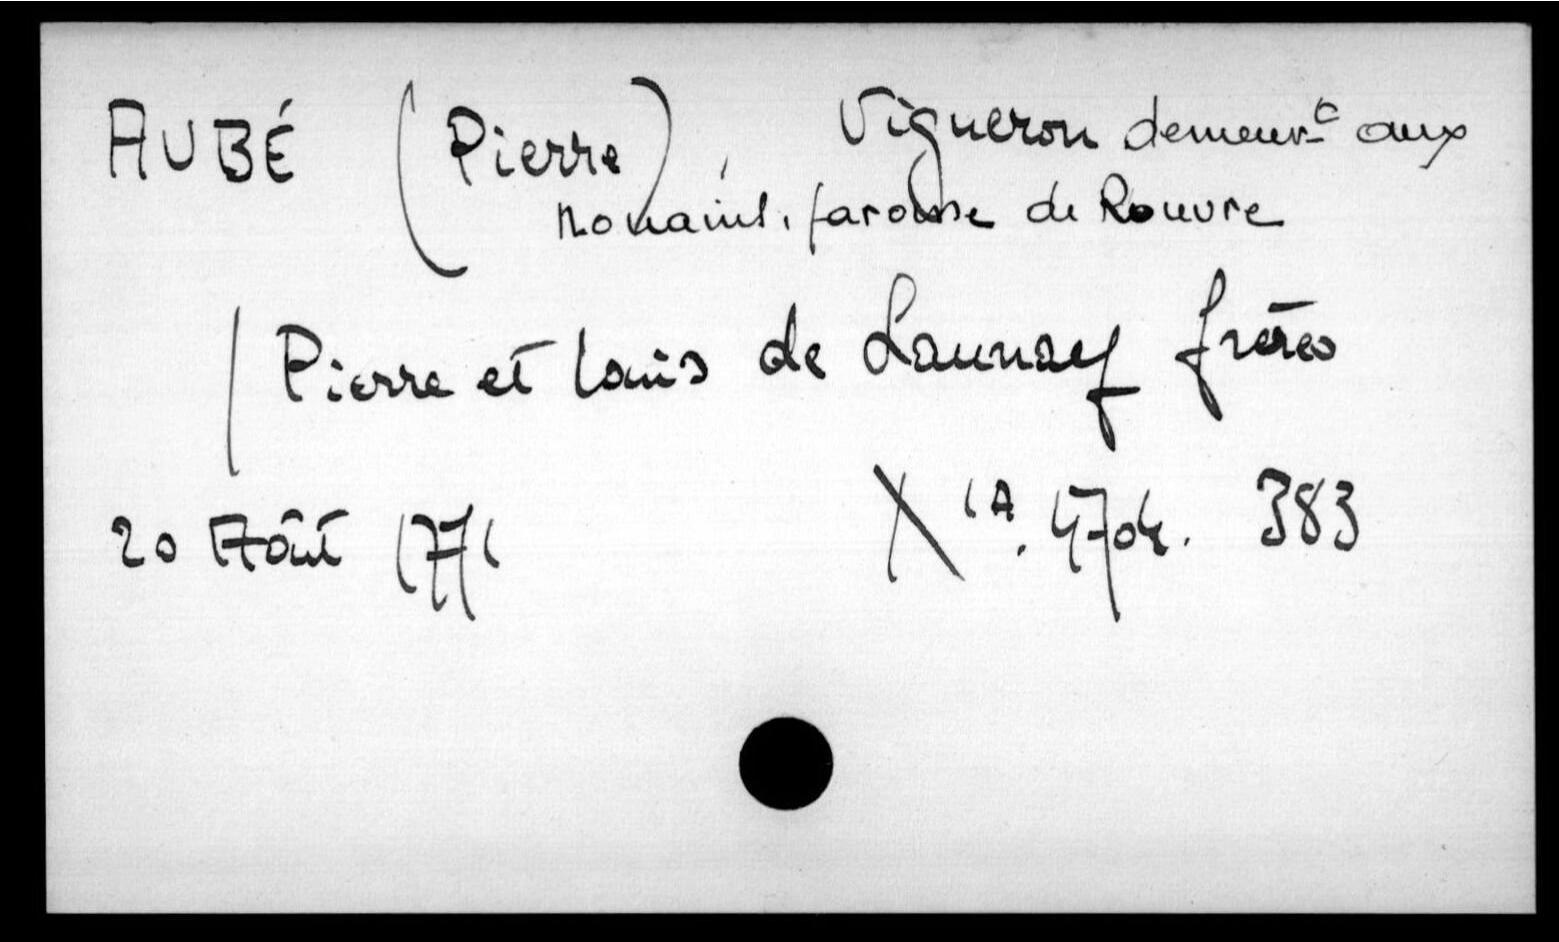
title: AUBÉ (Pierre), Vigneron demeurant aux Nonains, paroisse de Rouvre
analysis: Contre Pierre et Louis de Launay frères
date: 20 août 1771
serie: X1A
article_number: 4704
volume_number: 383
